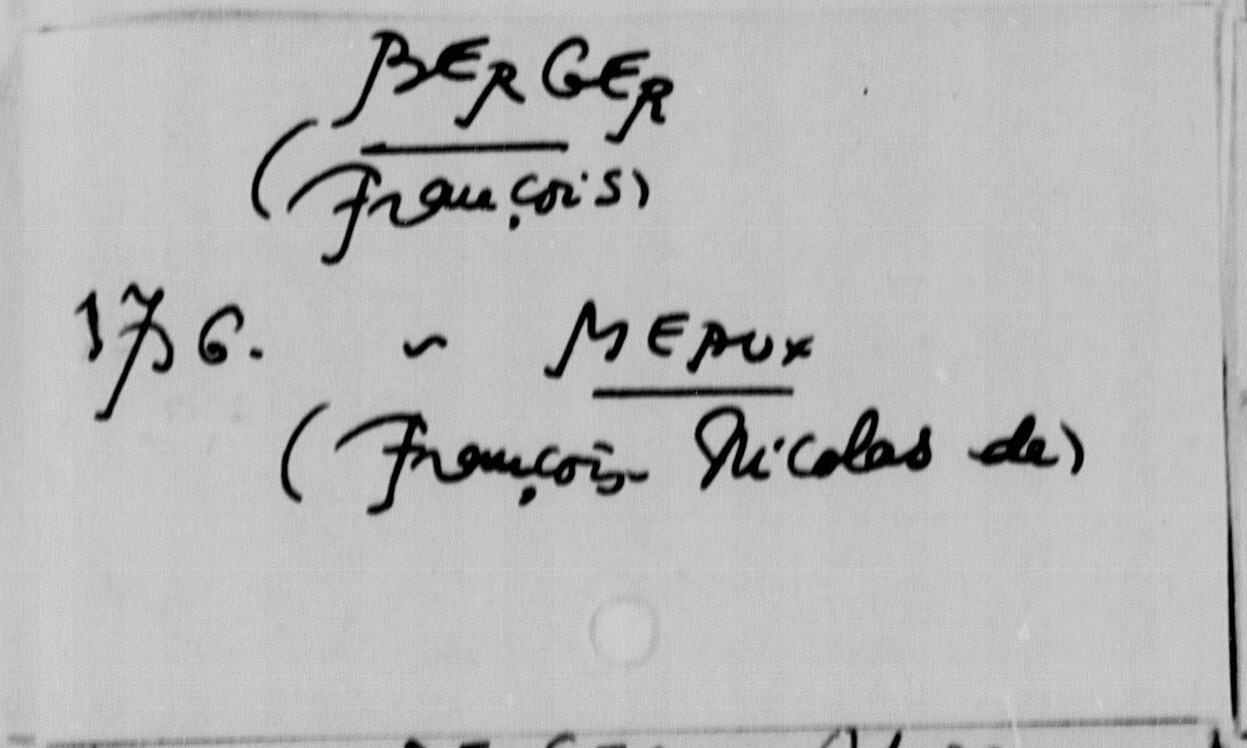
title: BERGER (François)
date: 1706
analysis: Voir Meaux (François Nicolas de)
